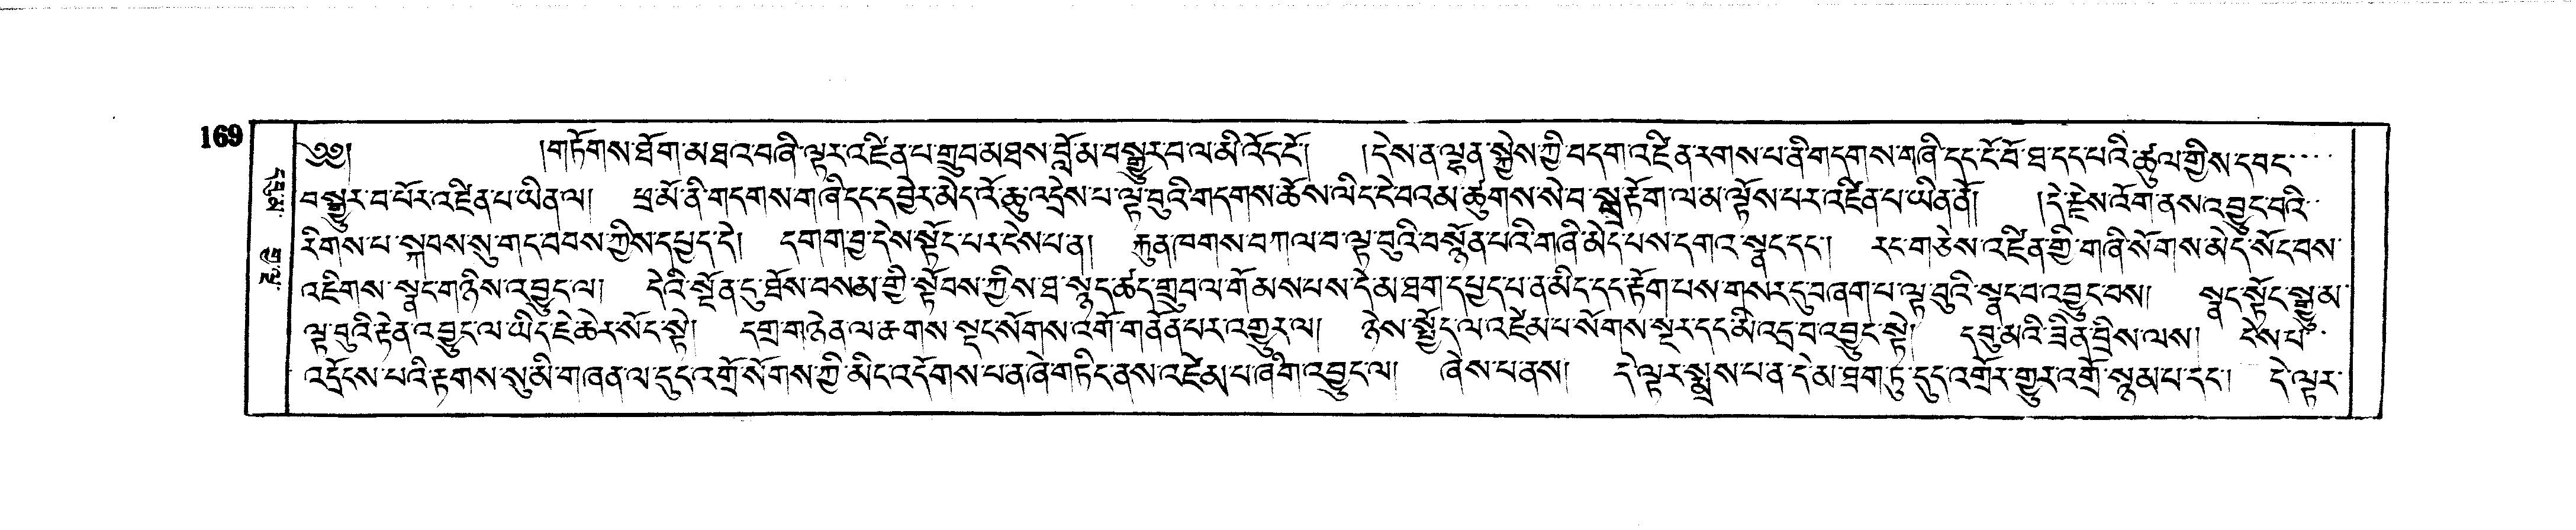༄༅། །གཏོགས་ཐོག་མཐའ་བཞི་ལྟར་འཛིན་པ་གྲུབ་མཐས་བློ་མ་བསྒྱུར་བ་ལ་མི་འོང་ངོ། །དེས་ན་ལྷན་སྐྱེས་ཀྱི་བདག་འཛིན་རགས་པ་ནི་གདགས་གཞི་དང་ངོ་བོ་ཐ་དད་པའི་ཚུལ་གྱིས་དབང་
བསྒྱུར་བ་པོར་འཛིན་པ་ཡིན་ལ། ཕྲ་མོ་ནི་གདགས་གཞི་དང་དབྱེར་མེད་འོ་ཆུ་འདྲེས་པ་ལྟ་བུའི་གདགས་ཆོས་ལིང་ངེ་བའམ་ཚུགས་སེ་བ་སྒྲ་རྟོག་ལ་མ་ལྟོས་པར་འཛིན་པ་ཡིན་ནོ། །དེ་རྗེས་འོག་ནས་འབྱུང་བའི་
རིགས་པ་སྐབས་སུ་གད་བབས་ཀྱིས་དཔྱད་དེ། དགག་བྱ་དེས་སྟོང་པར་ངེས་པ་ན། རྐུན་ཁགས་བཀལ་བ་ལྟ་བུའི་བསྙོན་པའི་གཞི་མེད་པས་དགའ་སྣང་དང་། རང་གཅེས་འཛིན་གྱི་གཞི་སོགས་མེད་སོང་བས་
འཇིགས་སྣང་གཉིས་འབྱུང་ལ། དེའི་སྔོན་དུ་ཐོས་བསམ་གྱི་སྟོབས་ཀྱིས་ཐ་སྙད་ཚད་གྲུབ་ལ་གོམས་པས་དེ་མ་ཐག་དཔྱད་པ་ན་མིང་དང་རྟོག་པས་གསར་དུ་བཞག་པ་ལྟ་བུའི་སྣང་བ་འབྱུང་བས། སྣང་སྟོང་སྒྱུ་མ་
ལྟ་བུའི་རྟེན་འབྱུང་ལ་ཡིད་ཇེ་ཆེར་སོང་སྟེ། དགྲ་གཉེན་ལ་ཆགས་སྡང་སོགས་འགོ་གནོན་པར་འགྱུར་ལ། ཉེས་སྤྱོད་ལ་འཛེམ་པ་སོགས་སྔར་དང་མི་འདྲ་བ་འབྱུང་སྟེ། དབུ་མའི་ཟིན་བྲིས་ལས། ངེས་པ་
འདྲོངས་པའི་རྟགས་སུ་མི་གཞན་ལ་དུད་འགྲོ་སོགས་ཀྱི་མིང་འདོགས་པ་ན་ཞེ་གཏིང་ནས་འཛེམ་པ་ཞིག་འབྱུང་ལ། ཞེས་པ་ནས། དེ་ལྟར་སྨྲས་པ་ན་དེ་མ་ཐག་ཏུ་དུད་འགྲོར་གྱུར་འགྲོ་སྙམ་པ་དང་། དེ་ལྟར་